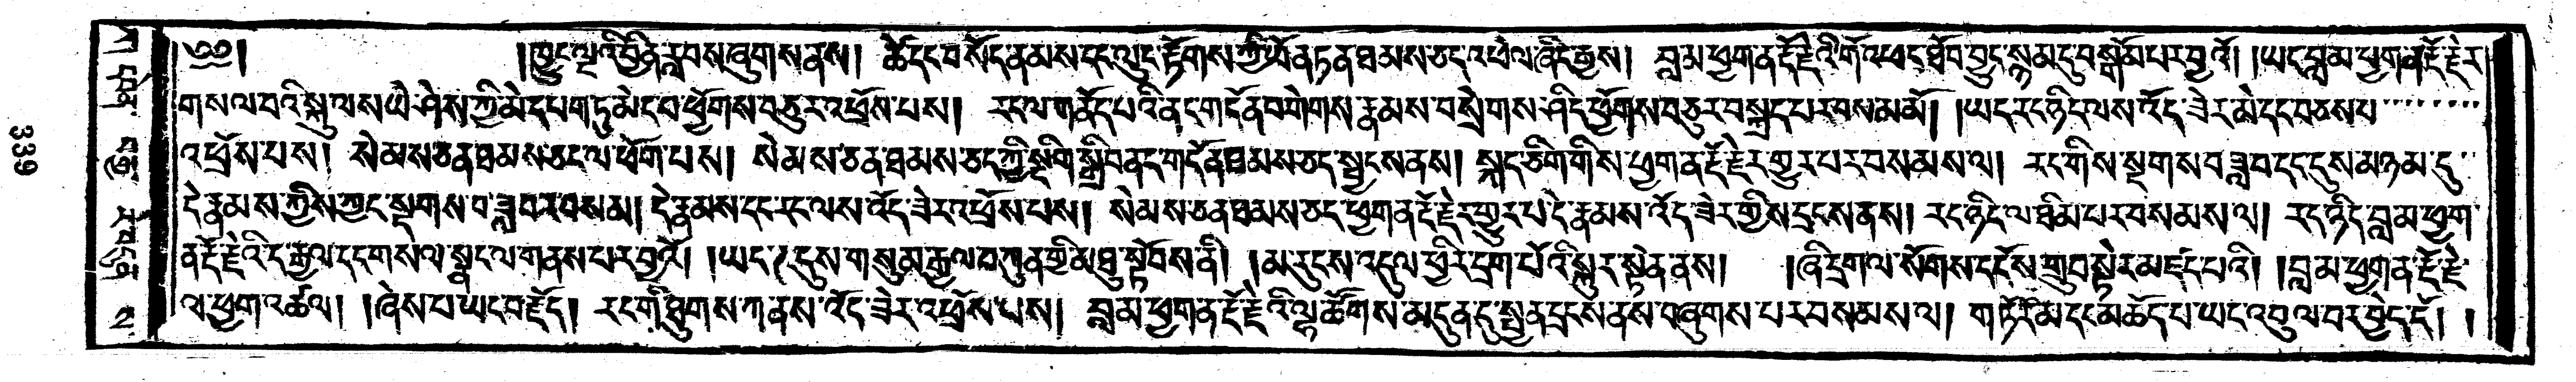༄༅། །ཁྱུང་ལྔའི་བྱིན་རླབས་ཞུགས་ནས། ཚེ་དང་བསོད་ནམས་དང་ལུང་རྟོགས་ཀྱི་ཡོན་ཏན་ཐམས་ཅད་འཕེལ་ཞིང་རྒྱས། བླ་མ་ཕྱག་ན་རྡོ་རྗེའི་གོ་འཕང་ཐོབ་བྱུང་སྙམ་དུ་བསྒོམ་པར་བྱའོ། །ཡང་བླ་མ་ཕྱག་ན་རྡོ་རྗེར་
གསལ་བའི་སྐུ་ལས་ཡེ་ཤེས་ཀྱི་མེ་དཔག་ཏུ་མེད་པ་ཕྱོགས་བཅུར་འཕྲོས་པས། རང་ལ་གནོད་པའི་ནང་གདོན་བགེགས་རྣམས་བསྲེགས་ཤིང་ཕྱོགས་བཅུར་བསྐྲད་པར་བསམ་མོ། །ཡང་རང་ཉིད་ལས་འོད་ཟེར་མེ་དང་བཅས་པ་
འཕྲོས་པས། སེམས་ཅན་ཐམས་ཅད་ལ་ཕོག་པས། སེམས་ཅན་ཐམས་ཅད་ཀྱི་སྡིག་སྒྲིབ་ནད་གདོན་ཐམས་ཅད་སྦྱངས་ནས། སྐད་ཅིག་གིས་ཕྱག་ན་རྡོ་རྗེར་གྱུར་པར་བསམས་ལ། རང་གིས་སྔགས་བཟླ་བ་དང་དུས་མཉམ་དུ་
དེ་རྣམས་ཀྱིས་ཀྱང་སྔགས་བ་ཟླ་བར་བསམ། དེ་རྣམས་དང་རང་ལས་འོད་ཟེར་འཕྲོས་པས། སེམས་ཅན་ཐམས་ཅད་ཕྱག་ན་རྡོ་རྗེར་གྱུར་པ་དེ་རྣམས་འོད་ཟེར་གྱིས་དྲངས་ནས། རང་ཉིད་ལ་ཐིམ་པར་བསམས་ལ། རང་ཉིད་བླ་མ་ཕྱག་
ན་རྡོ་རྗེའི་ང་རྒྱལ་དང་གསལ་སྣང་ལ་གནས་པར་བྱའོ། །ཡང༑ དུས་གསུམ་རྒྱལ་བ་ཀུན་གྱི་མཐུ་སྟོབས་ནི། །མ་རུངས་འདུལ་ཕྱིར་དྲག་པོའི་སྐུར་སྟེན་ནས། །ཞི་དྲག་ལ་སོགས་དངོས་གྲུབ་སྟེར་མཛད་པའི། །བླ་མ་ཕྱག་ན་རྡོ་རྗེ་
ལ་ཕྱག་འཚལ། །ཞེས་པ་ཡང་བརྗོད། རང་གི་ཐུགས་ཀ་ནས་འོད་ཟེར་འཕྲོས་པས། བླ་མ་ཕྱག་ན་རྡོ་རྗེའི་ལྷ་ཚོགས་མདུན་དུ་སྤྱན་དྲངས་ནས་བཞུགས་པར་བསམས་ལ། གཏོར་མ་དང་མཆོད་པ་ཡང་འབུལ་བར་བྱེད་དོ། །